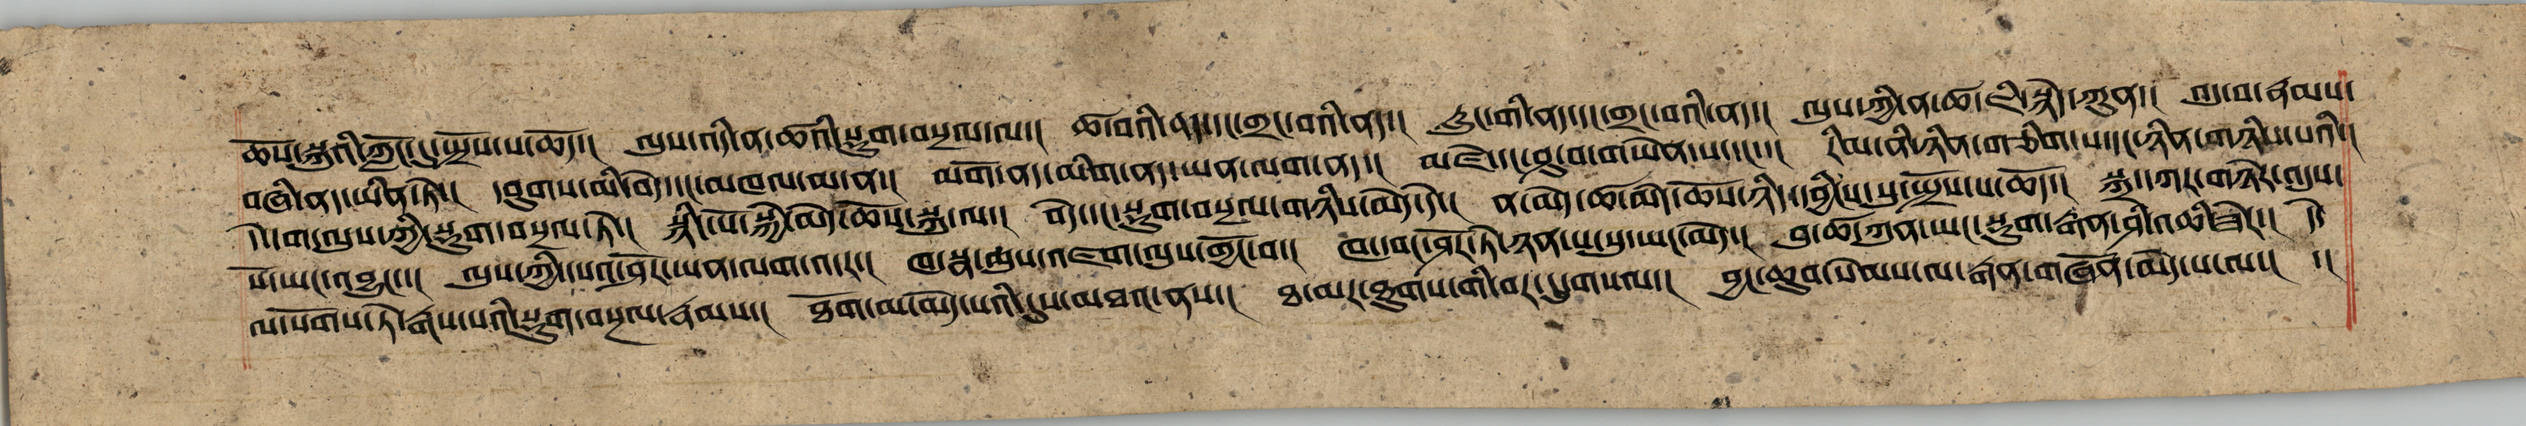ཆོས་སྐུའི་ཀློང་དུ་སྤྲོས་པ་ཆོད་། ལུས་འདི་ན་ཚའི་སྡུག་བསྔལ་ལ་། ཚ་བའི་ནད་དང་གྲང་བའི་ནད་། རླུང་གི་ནད་དང་གྲང་བའི་ནད་། ལུས་ཀྱི་ན་ཚ་ཇི་སྙེད་ཀུན་། འདུ་བ་རྣམས་
བཞི་ནད་ཡིན་ཏེ་། དབུགས་མི་བདེ་དང་མཁལ་མ་ན་། མགོ་ནད་མིག་ནད་ཡན་ལག་ནད་། མཛེ་དང་ཤུ་བ་གཡེན་པ་དང་་། རིམ་ནི་ཉིན་གཅིག་པ་དང་ཉིན་གཉིས་པའི་།
དེ་དག་ལུས་གྱི་སྡུག་བསྔལ་ཏེ་། སྙིང་པོ་སྐྱེ་མེད་ཆོས་སྐུ་ལ་། བདེ་དང་སྡུག་བསྔལ་གཉིས་མེད་དེ་། ན་མེད་ཚ་མེད་ཆོས་ཉིད་དབྱིངས་སུ་སྤྲོས་པ་ཆོད་། སྐྲ་དཀར་གཉེར་འདུས་
པོ་ཡང་འབྱུང་་། ལུས་ཀྱི་དསའ་ཤོར་ཡན་ལག་འདར་། ཁ་སྣ་ཆུས་འཛག་ལུས་གྱོང་བ་། ཁ་དབང་ཤོར་ཏེ་ཉན་པ་སུ་ཡང་མེད་། བུ་ཚ་ཀུན་ཡང་སྡུག་རྒན་ཤི་འཆི་ཟེར་།
ལ་སོགས་ཏེ་རྒས་པའི་སྡུག་བསྔལ་རྣམས་། ཐོག་མ་མེད་པའི་དུས་མཐའ་ནས་། ཐ་མར་ཐུགས་གི་བར་དུ་གསལ་། བྱང་ཆུབ་སེམས་ལ་རྒན་གཞོན་མེད་པ་ལ་།